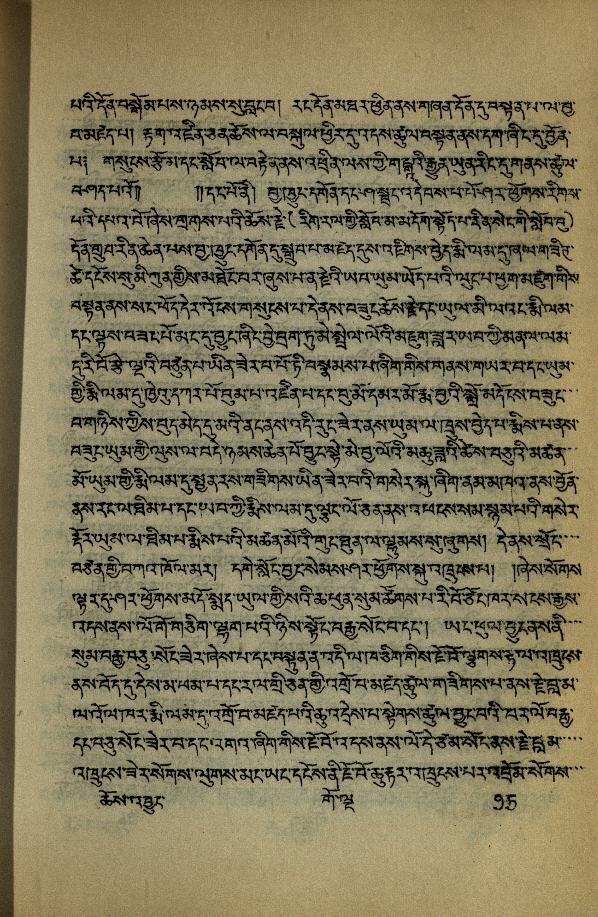བའི་དོན་བསྒོམ་པས་ཉམས་སུ་བླང་བ། རང་དོན་མཐར་ཕྱིན་ནས་གཞན་དོན་དུ་བསྟན་པ་ལ་བྱ་
བ་མཛད་པ། རྟག་འཛིན་ཅན་ཆོས་ལ་བསྐུལ་ཕྱིར་དུ་འདས་ཚུལ་བསྟན་ནས་དག་ཞིང་དུ་བྱོན་
པ༑ གསུངས་རྩོམ་དང་སློབ་ལ་བརྟེན་ནས་འཕྲིན་ལས་ཀྱི་གངྒཱའི་རྒྱུན་ཡུན་རིང་དུ་གནས་ཚུལ་
བཤད་པའོ།། །།དང་པོ་ནི། བྱ་ཁྱུང་དགོན་དང་ཤ་སྦྲང་འདེབས་པ་པོ་ཤར་ཕྱོགས་རིགས་
པའི་དཔའ་བོ་ཞེས་གྲགས་པའི་ཆོས་རྗེ་རིག་རལ་གྱི་སློབ་མ་མདོག་སྟོད་པ་རིན་སེང་གི་སློབ་བུ
དོན་གྲུབ་རིན་ཆེན་པས་བྱ་ཁྱུང་དགོན་དུ་སྒྲུབ་པ་མཛད་དུས་འཇིགས་བྱེད་རྨི་ལམ་དུ་ཞལ་གཟིཊ་
ཚེ་དངོས་སུ་མི་ཀུན་གྱིས་མཐོང་བར་ཞུས་པ་ན་རྗེའི་ཡབ་ཡུམ་ཡོད་པའི་ལུང་པ་ཕྱག་མཛུག་གིས་
བསྟན་ནས་སང་ཕོད་དེར་འོངས་གསུངས་པ་དེ་ནས་བཟུང་ཆོས་རྗེ་དང་ཡུལ་མི་ལའང་རྨི་ལམ་
དང་ལྟས་བཟང་པོ་མང་དུ་བྱུང་ཞིང་བྱེ་བྲག་ཏུ་མེ་སྤྲེལ་ལོའི་མཇུག་ཟླར་ཡབ་ཀྱི་མནལ་ལམ་
དུ་རི་བོ་རྩེ་ལྔའི་བཙུན་པ་ཡིན་ཟེར་པ་པོ་ཏི་བསྣམས་པ་ཞིག་གིས་གནས་གཡར་བ་དང་ཡུམ་
གྱི་རྨི་ལམ་དུ་ཁྱེའུ་དཀར་པོ་བུམ་པ་འཛིན་པ་དང་བུ་མོ་དམར་མོ་རྨ་བྱའི་སྒྲོ་མདོངས་བཟུང་
བ་གཉིས་ཀྱིས་བུད་མེད་དུ་མའི་ནང་ནས་འདི་རུང་ཟེར་ནས་ཡུམ་ལ་ཁྲུས་བྱེད་པ་རྨིས་པ་ནས་
བཟུང་ཡུམ་གྱི་ལུས་ལ་བདེ་ཉམས་ཆེན་པ་བྱུང་སྟེ་མེ་བྱ་ལོའི་མཆུ་ཟླའི་ཚེ་བཅུའི་མཚན་
མོ་ཡུམ་གྱི་རྨི་ལམ་དུ་སྤྱན་རས་གཟིགས་ཡིན་ཟེར་བའི་གསེར་སྐུ་ཞིག་ནམ་མཁའ་ནས་བྱོན་
ནས་རང་ལ་ཐིམ་པ་དང་ཡབ་ཀྱི་རྨིས་ལམ་དུ་ལྕང་ལོ་ཅན་ནས་འཕངས་སམ་སྙམ་པའི་གསེར་
རྡོར་ཡུམ་ལ་ཐིམ་པ་རྨིས་པའི་མཚན་མོའི་གུང་ཐུན་ལ་ལྷུམས་སུ་ཞུགས། དེ་ནས་སྲོང་
བཙན་གྱི་བཀའ་ཁོལ་མར། དགེ་སློང་བྱང་སེམས་ཤར་ཕྱོགས་སྐུ་འཁྲུངས་པ། །ཞེས་སོགས་
ལྟར་དུ་ཤར་ཕྱོགས་མདོ་སྨད་ཡུལ་གྱི་སའི་ཆ་ཕུན་སུམ་ཚོགས་པ་རི་བོ་ཙོང་ཁར་སངས་རྒྱས་
འདས་ནས་ལོ་གོ་གཅིག་ལྷག་པའི་ཉིས་སྟོང་བརྒྱ་སོང་བ་དང་། ཡང་ཕུལ་བྱུང་ནས་ནི་
སུམ་བརྒྱ་བཅུ་སོང་ཟེར་ཞེས་པ་དང་བསྟུན་ན་འདི་ལ་ཁ་ཅིག་གིས་ཇོ་བོ་ལྕགས་རྟ་ལ་འཁྲུངས་
ནས་བོད་དུ་དེས་མ་ཕམ་པ་དང་རལ་གྲི་ཅན་གྱི་འགྲོ་བ་མཛད་ཚུལ་གཟིགས་པ་ནས་རྗེ་བླ་མ་
ལ་འོལ་ཁར་རྨི་ལམ་དུ་འགྲོ་བ་མཛད་པའི་ཆུ་འདྲེས་པ་སྟེགས་ཚུལ་བྱུང་བའི་བའི་བར་ལོ་བརྒྱ་
དང་བཅུ་སོང་ཟེར་བ་དང་འགའ་ཞིག་གིས་ཇོ་བོ་འདས་ནས་ལོ་དེ་ཙམ་སོང་ནས་རྗེ་བླ་མ་
འཁྲུངས་ཟེར་སོགས་ལུགས་མང་ཡང་དངོས་ནི་ཇོ་བོ་ཆུ་རྟར་འཁྲུངས་པར་འབྲོམ་སོགས་